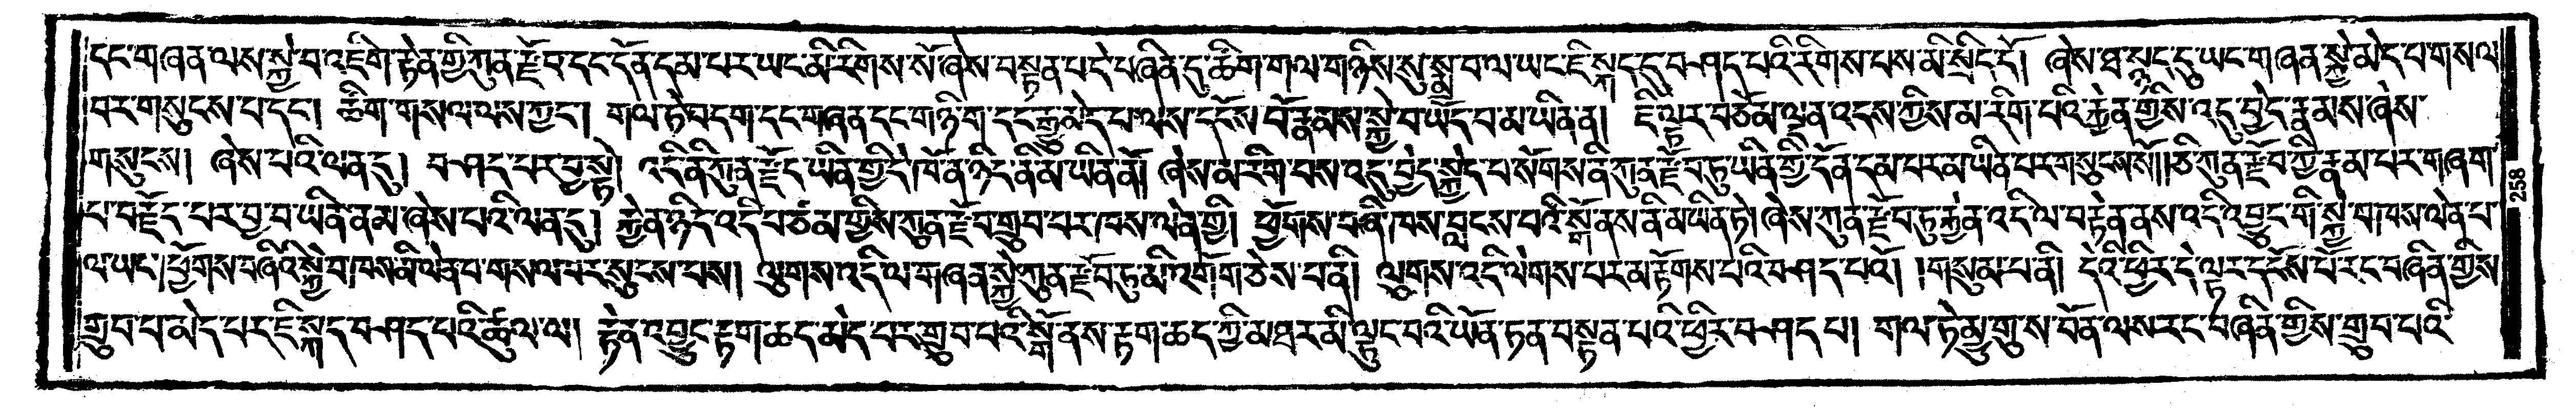དང་གཞན་ལས་སྐྱེ་བ་འཇིག་རྟེན་གྱི་ཀུན་རྫོབ་དང་དོན་དམ་པར་ཡང་མི་རིགས་སོ་ཞེས་བསྟན་པ་དེ་བཞིན་དུ་ཚིག་གལ་གཉིས་སུ་སྨྲ་བ་ལ་ཡང་ཇི་སྐད་དུ་བཤད་པའི་རིགས་པས་མི་སྲིད་དོ། ཞེས་ཐ་སྙད་དུ་ཡང་གཞན་སྐྱེ་མེད་པ་གསལ་
བར་གསུངས་པ་དང་། ཚིག་གསལ་ལས་ཀྱང་། གལ་ཏེ་བདག་དང་གཞན་དང་གཉི་ག་དང་རྒྱུ་མེད་པ་ལས་དངོས་པོ་རྣམས་སྐྱེ་བ་ཡོད་པ་མ་ཡིན་ན། ཇི་ལྟར་བཅོམ་ལྡན་འདས་ཀྱིས་མ་རིག་པའི་རྐྱེན་གྱིས་འདུ་བྱེད་རྣམས་ཞེས་
གསུངས། ཞེས་པའི་ལན་དུ། བཤད་པར་བྱ་སྟེ། འདི་ནི་ཀུན་རྫོབ་ཡིན་གྱི་དེ་ཁོ་ན་ཉིད་ནི་མ་ཡིན་ནོ། ཞེས་མ་རིག་པས་འདུ་བྱེད་སྐྱེད་པ་སོགས་ནི་ཀུན་རྫོབ་ཏུ་ཡིན་གྱི་དོན་དམ་པར་མ་ཡིན་པར་གསུངས་སོ། །ཅི་ཀུན་རྫོབ་ཀྱི་རྣམ་པར་གཞག་
པ་བརྗོད་པར་བྱ་བ་ཡིན་ནམ་ཞེས་པའི་ལན་དུ། རྐྱེན་ཉིད་འདི་པ་ཙམ་གྱིས་ཀུན་རྫོབ་གྲུབ་པར་ཁས་ལེན་གྱི། ཕྱོགས་བཞི་ཁས་བླངས་པའི་སྒོ་ནས་ནི་མ་ཡིན་ཏེ། ཞེས་ཀུན་རྫོབ་ཏུ་རྐྱེན་འདི་ལ་བརྟེན་ནས་འདི་འབྱུང་གི་སྐྱེ་བ་ཁས་ལེན་པ་
ལ་ཡང་། ཕྱོགས་བཞིའི་སྐྱེ་བ་ཁས་མི་ལེན་པ་གསལ་བར་གསུངས་པས། ལུགས་འདི་ལ་གཞན་སྐྱེ་ཀུན་རྫོབ་ཏུ་མི་འགོག་ཅེས་པ་ནི། ལུགས་འདི་ལེགས་པར་མ་རྟོགས་པའི་བཤད་པའོ། །གསུམ་པ་ནི། དེའི་ཕྱིར་དེ་ལྟར་དངོས་པོ་རང་བཞིན་གྱིས་
གྲུབ་པ་མེད་པར་ཇི་སྐད་བཤད་པའི་ཚུལ་ལ། རྟེན་འབྱུང་རྟག་ཆད་མེད་པར་གྲུབ་པའི་སྒོ་ནས་རྟག་ཆད་ཀྱི་མཐར་མི་ལྟུང་བའི་ཡོན་ཏན་བསྟན་པའི་ཕྱིར་བཤད་པ། གལ་ཏེ་མྱུ་གུ་ས་བོན་ལས་རང་བཞིན་གྱིས་གྲུབ་པའི་